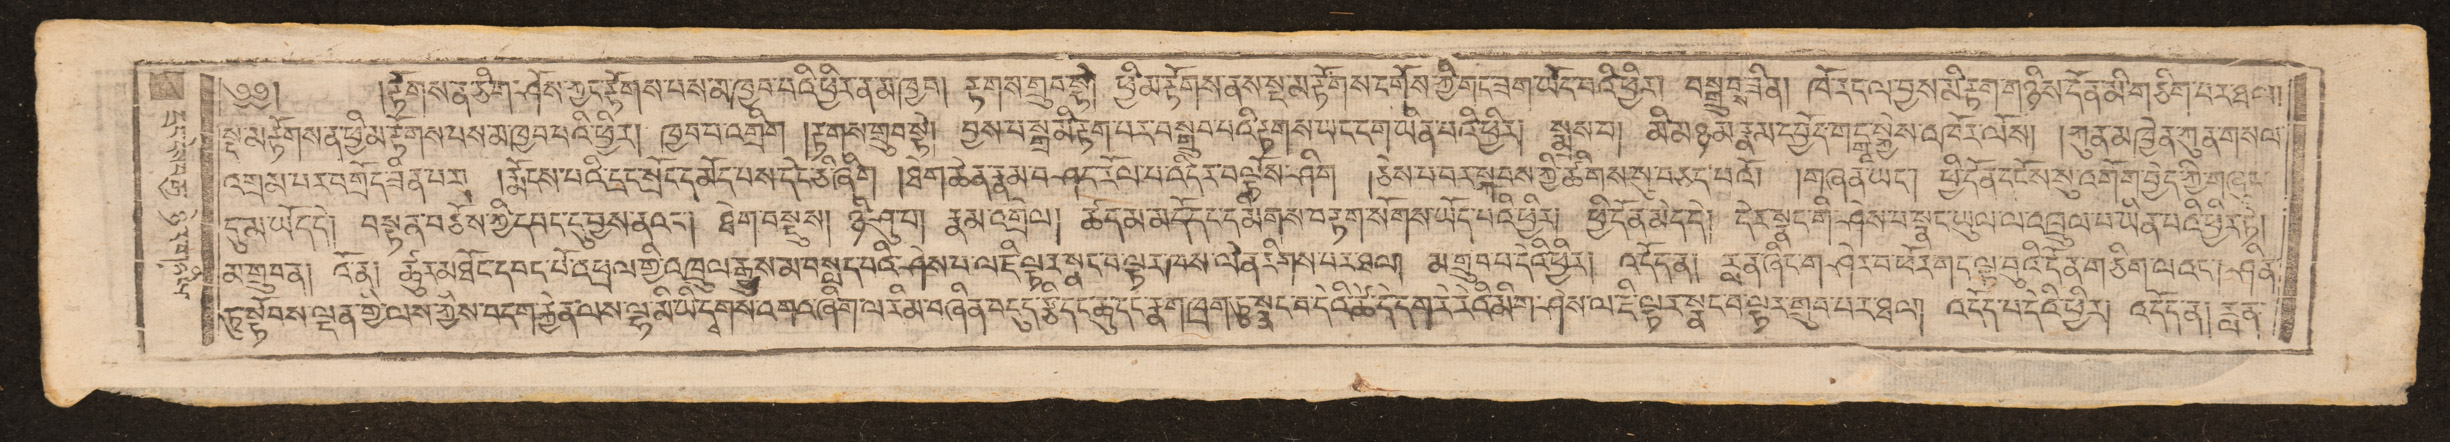༄༅། །རྟོགས་ན་ཅིག་ཤོས་ཀྱང་རྟོགས་པས་མ་ཁྱབ་པའི་ཕྱིར་ན་མ་ཁྱབ། རྟགས་གྲུབ་སྟེ། ཕྱི་མ་རྟོགས་ནས་སྔ་མ་རྟོགས་དགོས་ཀྱི་གང་ཟག་ཡོད་པའི་ཕྱིར། བསྒྲུབས་ཟིན། ཁོ་རང་ལ་བྱས་མི་རྟག་གཉིས་དོན་མི་གཅིག་པར་ཐལ།
སྔ་མ་རྟོགས་ན་ཕྱི་མ་རྟོགས་པས་མ་ཁྱབ་པའི་ཕྱིར། ཁྱབ་པ་འགྲིག །རྟགས་གྲུབ་སྟེ། བྱས་པ་སྒྲ་མི་རྟག་པར་བསྒྲུབ་པའི་རྟགས་ཡང་དག་ཡིན་པའི་ཕྱིར། སྨྲས་པ། མི་མཉམ་རྣམ་དཔྱོད་གངྒཱ་སྐྱེས་འཁོར་ལོས། །ཀུན་མཁྱེན་ཀུན་གསལ་
འགྲམ་པར་བགྲོད་ཟིན་པར། །རྨོངས་པའི་དྲང་སྲོང་དམོད་པས་དེང་ཅི་ཞིག །ཐེག་ཆེན་རྣམ་བཤད་རོལ་པ་འདིར་བལྟོས་ཤིག །ཅེས་པ་བར་སྐབས་ཀྱི་ཚིགས་སུ་བཅད་པའོ། །གཞན་ཡང་། ཕྱི་དོན་དངོས་སུ་འགོག་བྱེད་ཀྱི་གཞུང་
དུ་མ་ཡོད་དེ། བསྟན་བཅོས་ཀྱི་དབང་དུ་བྱས་ནའང་། ཐེག་བསྡུས། ཉི་ཤུ་པ། རྣམ་འགྲེལ། ཚད་མ་མདོ་དང་དམིགས་བརྟག་སོགས་ཡོད་པའི་ཕྱིར། ཕྱི་དོན་མེད་དེ། དེར་སྣང་གི་ཤེས་པ་སྣང་ཡུལ་ལ་འཁྲུལ་པ་ཡིན་པའི་ཕྱིར་ཏེ།
མ་གྲུབ་ན། འོ་ན། ཚུར་མཐོང་དབང་པོ་འཕྲལ་གྱི་འཁྲུལ་རྒྱུས་མ་བསླད་པའི་ཤེས་པ་ལ་ཇི་ལྟར་སྣང་བ་ལྟར་ཁས་ལེན་རིགས་པར་ཐལ། མ་གྲུབ་པ་དེའི་ཕྱིར། འདོད་ན། རླན་ཞིང་གཤེར་བ་ཕོར་གང་ལྟ་བུའི་དོན་གཅིག་ལ་འང་། ཤིན་
ཏུ་སྟོབས་ལྡན་གྱི་ལས་ཀྱིས་བདག་རྐྱེན་ལས་ལྷ་མི་ཡི་དྭགས་འགའ་ཞིག་ལ་རིམ་བཞིན་བདུད་རྩི་དང་ཆུ་དང་རྣག་ཁྲག་ཏུ་སྣང་བ་དེའི་ཚེ་དེ་དག་རེ་རེའི་མིག་ཤེས་ལ་ཇི་ལྟར་སྣང་བ་ལྟར་གྲུབ་པར་ཐལ། འདོད་པ་དེའི་ཕྱིར། འདོད་ན། རླན་